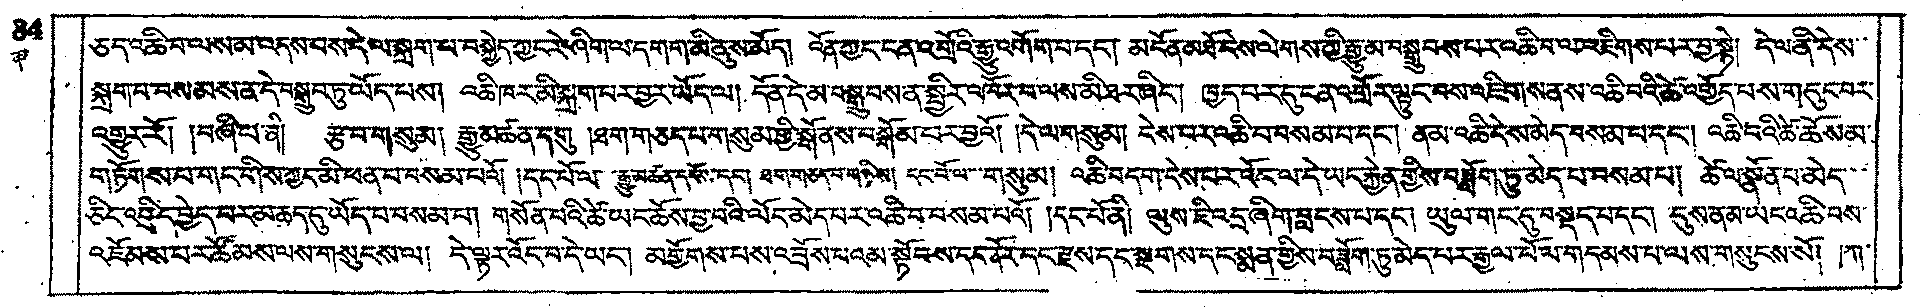ཅད་འཆི་བ་ལས་མ་འདས་བས་དེ་ལ་སྐྲག་པ་བསྐྱེད་ཀྱང་རེ་ཤིག་ལ་དགག་མི་ནུས་མོད། འོན་ཀྱང་ངན་འགྲོའི་རྒྱུ་འགོག་པ་དང་། མངོན་མཐོ་ངེས་ལེགས་ཀྱི་རྒྱུ་མ་བསྒྲུབས་པར་འཆི་བ་ལ་འཇིགས་པར་བྱ་སྟེ། དེ་ལ་ནི་དེས་
སྐྲག་པ་བསམས་ན་དེ་བསྒྲུབ་ཏུ་ཡོད་པས། འཆི་ཁར་མི་སྐྲག་པར་བྱར་ཡོད་ལ། དོན་དེ་མ་བསྒྲུབས་ན་སྤྱིར་འཁོར་བ་ལས་མི་ཐར་ཞིང་། ཁྱད་པར་དུ་ངན་འགྲོར་ལྟུང་བས་འཇིགས་ནས་འཆི་བའི་ཚེ་འགྱོད་པས་གདུང་བར་
འགྱུར་རོ། །བཞི་པ་ནི། རྩ་བ་གསུམ། རྒྱུ་མཚན་དགུ །ཐག་གཅད་པ་གསུམ་གྱི་སྒོ་ནས་བསྒོམ་པར་བྱའོ། །དེ་ལ་གསུམ། ངེས་པར་འཆི་བ་བསམ་པ་དང་། ནམ་འཆི་ངེས་མེད་བསམ་པ་དང་། འཆི་བའི་ཚེ་ཆོས་མ་
གཏོགས་པ་གང་གིས་ཀྱང་མི་ཕན་པ་བསམ་པའོ། །དང་པོ་ལ་རྒྱུ་མཚན་དངོས་དང་། ཐག་གཅད་པ་གཉིས། དང་པོ་ལ་གསུམ། འཆི་བདག་ངེས་པར་འོང་ལ་དེ་ཡང་རྐྱེན་གྱིས་བཟློག་ཏུ་མེད་པ་ཧྦྶམ་པ། ཚེ་ལ་སྣོན་པ་མེད་
ཅིང་འབྲིད་བྱེད་བར་མ་ཆད་དུ་ཡོད་པ་བསམ་པ། གསོན་པའི་ཚེ་ཡང་ཆོས་བྱ་བའི་ལོང་མེད་པར་འཆི་བ་བསམ་པའོ། །དང་པོ་ནི། ལུས་ཇི་འདྲ་ཞིག་བླངས་པ་དང་། ཡུལ་གང་དུ་བསྡད་པ་དང་། དུས་ནམ་ཡང་འཆི་བས་
འཇོམས་པར་ཚོམས་ལས་གསུངས་ལ། དེ་ལྟར་འོང་བ་དེ་ཡང་། མགྱོགས་པས་འབྲོས་པའམ་སྟོབས་དང་ནོར་དང་རྫས་དང་སྔགས་དང་སྨན་གྱིས་བཟློག་ཏུ་མེད་པར་རྒྱལ་པོ་ལ་གདམས་པ་ལས་གསུངས་སོ། །ཀ་